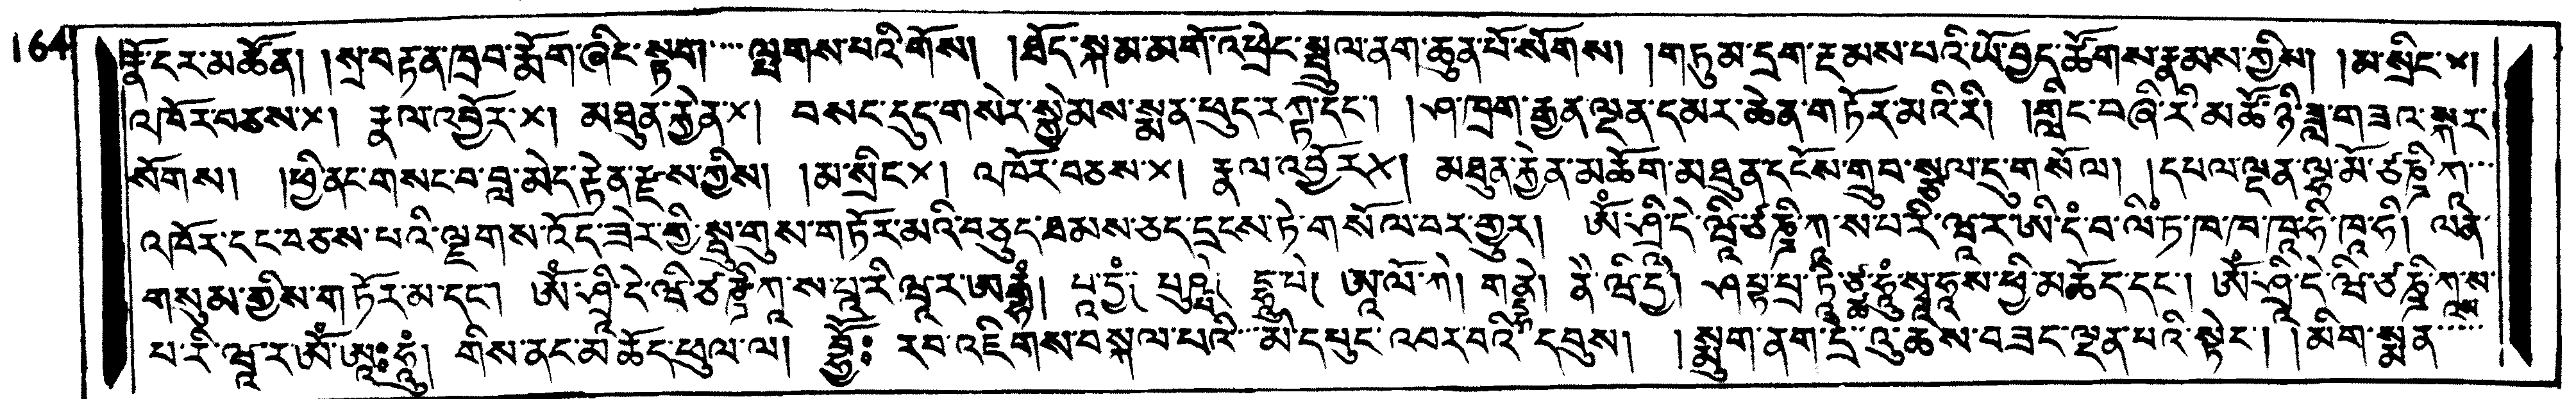རྣོ་ངར་མཚོན། །སྲ་བརྟན་ཁྲབ་རྨོག་ཞིང་སྟག་ལྤགས་པའི་གོས། །ཐོད་སྐམ་མགོ་འཕྲེང་སྤྲུལ་ནག་ཆུན་པོ་སོགས། །གཏུམ་དྲག་རྔམས་པའི་ཡོ་བྱད་ཚོགས་རྣམས་ཀྱིས། །མ་སྲིང་+།
འཁོར་བཅས་+། རྣལ་འབྱོར་+། མཐུན་རྐྱེན་+། བསང་དུད་གསེར་སྐྱེམས་སྨན་ཕུད་རཀྟ་དང་། །ཤ་ཁྲག་རྒྱན་ལྡན་དམར་ཆེན་གཏོར་མའི་རི། །གླིང་བཞི་རི་མཚོ་ཉི་ཟླ་གཟའ་སྐར་
སོགས། །ཕྱི་ནང་གསང་བ་བླ་མེད་རྟེན་རྫས་ཀྱིས། །མ་སྲིང་+། འཁོར་བཅས་+། རྣལ་འབྱོར་+། མཐུན་རྐྱེན་མཆོག་མཐུན་དངོས་གྲུབ་སྩལ་དུ་གསོལ། །དཔལ་ལྡན་ལྷ་མོ་ཙཎྜི་ཀཱ་
འཁོར་དང་བཅས་པའི་ལྗགས་འོད་ཟེར་གྱི་སྦུ་གུས་གཏོར་མའི་བཅུད་ཐམས་ཅད་དྲངས་ཏེ་གསོལ་བར་གྱུར། ཨོཾ་ཤྲཱི་དེ་ཝཱི་ཙཎྜི་ཀཱ་ས་པ་རེ་ཝཱ་ར་ཨི་དཾ་བ་ལིཾ་ཏ་ཁ་ཁ་ཁཱ་ཧི་ཁཱ་ཧི། ལན་
གསུམ་གྱིས་གཏོར་མ་དང་། ཨོཾ་ཤྲཱི་དེ་ཝི་ཙཎྜི་ཀཱ་ས་པཱ་རི་ཝཱ་ར་ཨརྒྷཾ། པཱ་དྱཾ༑ པུཥྤེ༑ དྷཱུ་པེ༑ ཨཱ་ལོ་ཀེ། གནྡྷེ། ནཻ་ཝི་དྱེ། ཤཔྟ་པྲ་ཏཱི་ཙྪ་ཧཱུཾ་སྭཱ་ཧཱ་ས་ཕྱི་མཆོད་དང་། ཨོཾ་ཤྲཱི་དེ་ཝི་ཙཎྜི་ཀཱས་ས་
པ་རི་ཝཱ་ར་ཨོཾ་ཨཱཿ ཧཱུཾ། གིས་ནང་མཆོད་ཕུལ་ལ། བྷྱཽཿ རབ་འཇིགས་བསྐལ་པའི་མེ་དཔུང་འབར་བའི་དབུས། །སྨུག་ནག་དྲེ་འུ་ཆེས་བཟང་ལྡན་པའི་སྟེང་། །མིག་སྨན་